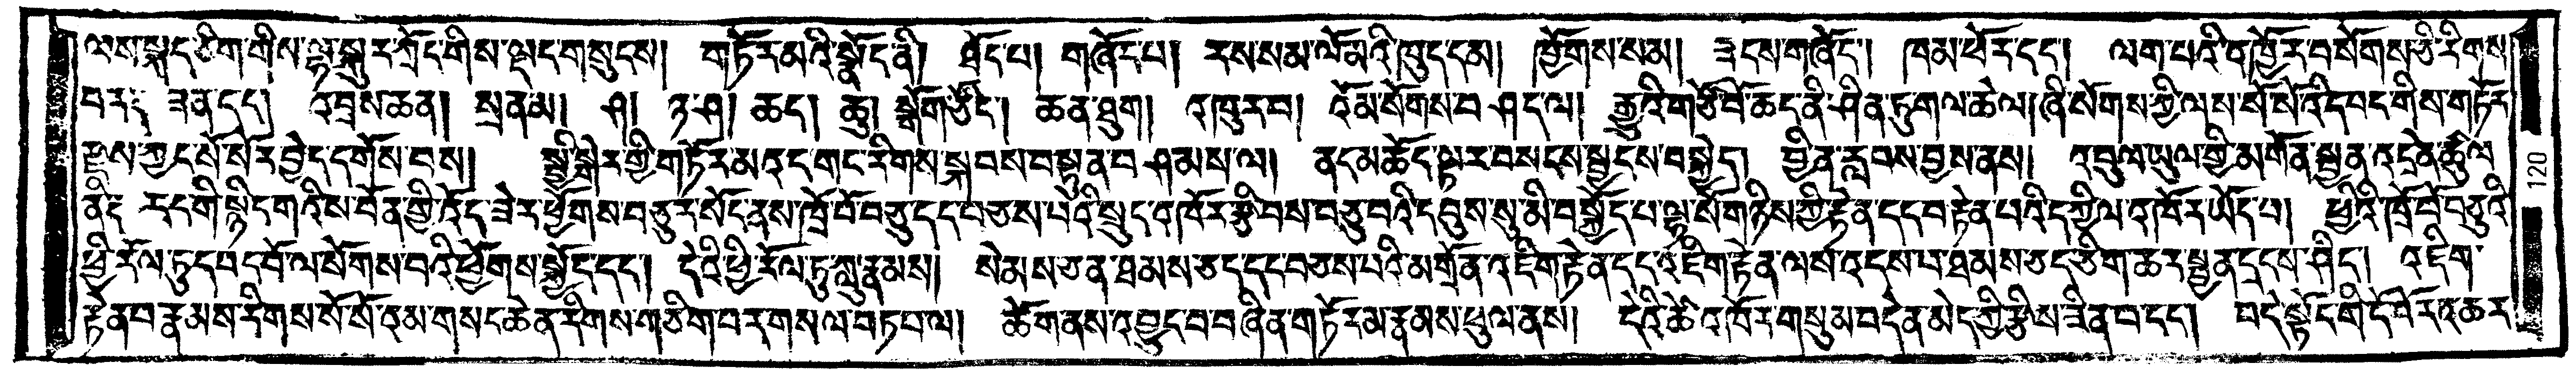ལས་སྐད་ཅིག་གིས་ལྷ་སྐུར་ཀྲོང་གིས་ལྡང་གསུངས། གཏོར་མའི་སྣོད་ནི། ཐོད་པ། གཞོང་པ། རས་སམ་ལོ་མའི་ཁུད་དམ། ཁྱོགས་སམ། ཟངས་གཞོང་། ཁམ་ཕོར་དང་། ལག་པའི་འཁྱོར་བ་སོགས་ཅི་རིགས་
བར༑ ཟན་དང་། འབྲས་ཆན། སྲན་མ། ཤ། ཉ་ཤ། ཆང་། ཆུ། སྒོག་ཙོང་། ཆན་ཐུག། འཁུར་བ། འོ་མ་སོགས་བཤད་ལ། རྒྱུའི་གཙོ་བོ་ཆད་ནི་ཤིན་ཏུ་གལ་ཆེ་ལ། ཞི་སོགས་ཀྱི་ལས་སོ་སོའི་དབང་གིས་གཏོར་
རྫས་ཀྱང་སོ་སོར་བྱེད་དགོས་བས། སྤྱི་སྒེར་གྱི་གཏོར་མའང་གང་རིགས་སྐབས་བསྟུན་བཤམས་ལ། ནང་མཆོད་ལྟར་བསངས་སྦྱངས་བསྐྱེད། བྱིན་རླབས་བྱས་ནས། འབུལ་ཡུལ་གྱི་མགོན་སྤྱན་འདྲེན་ཚུལ་
ནི༑ རང་གི་སྙིང་གའི་ས་བོན་གྱི་འོད་ཟེར་ཕྱོགས་བཅུར་སོང་ནས་ཁྲོ་བོ་བཅུ་དང་བཅས་པའི་སྲུང་འཁོར་རྩིབས་བཅུ་བའི་དབུས་སུ་མི་བསྐྱོད་པ་ལྷ་སོ་གཉིས་ཀྱི་རྟེན་དང་བརྟེན་པའི་དཀྱིལ་འཁོར་ཡོད་པ། ཕྱིའི་ཁྲོ་བོ་བཅུའི་
ཕྱི་རོལ་ཏུ་དབང་པོ་ལ་སོགས་པའི་ཕྱོགས་སྐྱོང་དང་། དེའི་ཕྱི་རོལ་ཏུ་ཀླུ་རྣམས། སེམས་ཅན་ཐམས་ཅད་དང་བཅས་པའི་མགྲོན་འཇིག་རྟེན་དང་འཇིག་རྟེན་ལས་འདས་པ་ཐམས་ཅད་ཅིག་ཆར་སྤྱན་དྲངས་ཤིང་། འཇིག་
རྟེན་པ་རྣམས་རིགས་སོ་སོ་འམ་གསང་ཆེན་རིགས་གཅིག་བར་གསལ་བཏབ་ལ། ཆོག་ནས་འབྱུང་བ་བཞིན་གཏོར་མ་རྣམས་ཕུལ་ནས། དེའི་ཚེ་འཁོར་གསུམ་བདེན་མེད་ཀྱི་རྩིས་ཟིན་བ་དང་། བདེ་སྟོང་གི་ངོ་བོར་འཆར་